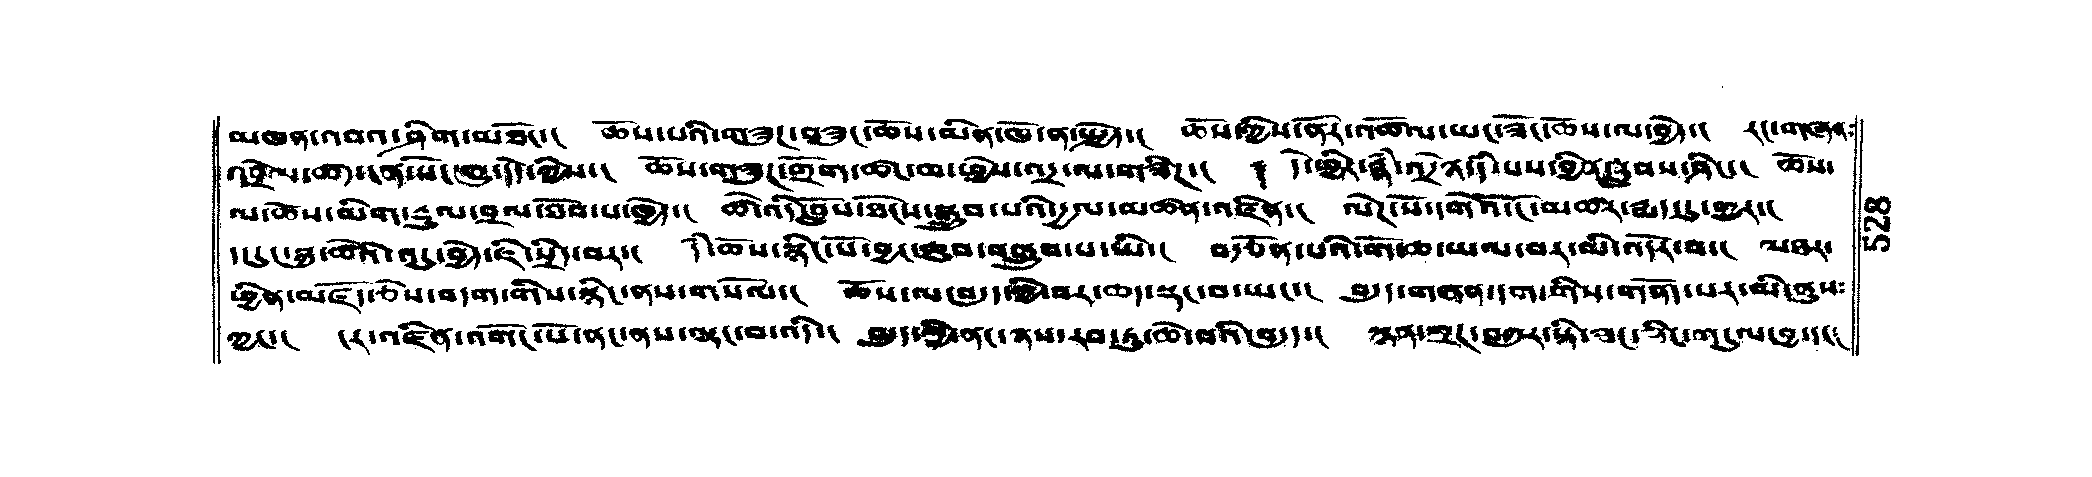མཁན་འབའ་ཤིག་མཐོང་། །ཆོས་པའི་གཟུགས་བཟུང་ཆོས་མིན་ཁོ་ན་སྤྱོད། །ཆོས་ཀྱིས་ནོར་འཚོལ་ཡང་ཟོང་ཆོས་ལ་བྱེད། །རང་གཞན་
འབྲེལ་ཚད་ངན་སོང་ཁྱུ་དེད་ཀྱིས། །ཆོས་གཟུགས་གྲོག་ཚང་ཁ་ཕྱེས་འདྲ་ལ་གཟིགས། །དེ་ཕྱིར་རྣམ་འདྲེན་དམ་པས་བྱིན་བརླབས་ཤིང་། །ཆོས་
ལ་ཆོས་མིག་རྡུལ་བྲལ་ཐོབ་པ་ཁྱེད། །ཚེ་འདི་བློས་ཐོངས་སྒྲུབ་པའི་རྒྱལ་མཚན་འཛིན། །ལེགས་སོ་དགེའོ་ངོ་མཚར་རྨད་དུ་གྱུར། །
ད་དུང་སྐུ་ཚེའི་འདུ་བྱེད་ཇི་སྲིད་བར། །དམ་ཆོས་སྙིང་པོ་བྱང་ཆུབ་བསྒྲུབ་པ་ཡི། །བརྩོན་པའི་གོ་ཆ་ཡལ་བར་མི་འདོར་བ། །མཐར་
ཕྱིན་མཛོད་ཅེས་བདག་གིས་སྙིང་ནས་གསོལ། །ཆོས་ལ་བདུད་ཀྱི་བར་ཆད་སྡང་བ་ཡང་། །བདུད་གཞན་དག་གིས་གནོད་པར་མི་ནུས་
ཀྱང་། །ངར་འཛིན་འགོང་པོ་ནང་ནས་ལྡང་བ་འདི། །བདུད་ཀྱི་ནང་ནས་རབ་ཏུ་ཆེ་བའི་བདུད། །སྙན་གྲགས་བཀུར་སྟི་ཟང་ཟིང་གདུལ་བྱ་དང་།